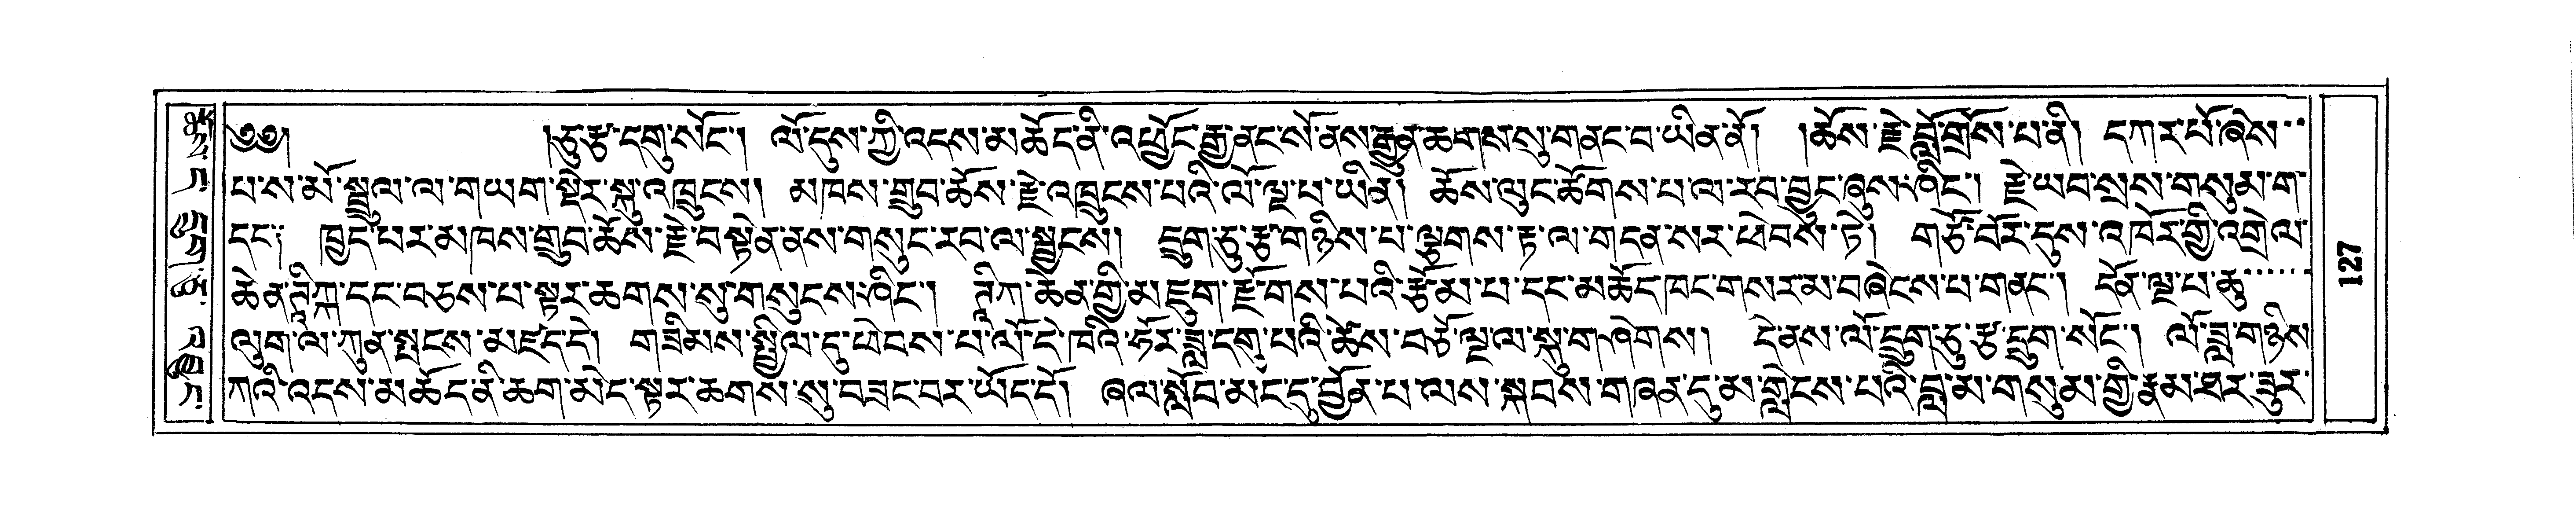༄༅། །ཅུ་རྩ་དགུ་སོང་། ལོ་དུས་ཀྱི་འདས་མཆོད་ནི་འཕྱོང་རྒྱ་ནང་སོ་ནས་རྒྱུན་ཆགས་སུ་གནང་བ་ཡིན་ནོ། །ཆོས་རྗེ་བློ་གྲོས་པ་ནི། དཀར་པོ་ཞེས་
པ་ས་མོ་སྦྲུལ་ལ་གཡག་སྡེར་སྐུ་འཁྲུངས། མཁས་གྲུབ་ཆོས་རྗེ་འཁྲུངས་པའི་ལོ་ལྔ་པ་ཡིན། ཆོས་ལུང་ཚོགས་པ་ལ་རབ་བྱུང་ཞུས་ཤིང་། རྗེ་ཡབ་སྲས་གསུམ་ག་
དང༑ ཁྱད་པར་མཁས་གྲུབ་ཆོས་རྗེ་བསྟེན་ནས་གསུང་རབ་ལ་སྦྱངས། དྲུག་ཅུ་རྩ་གཉིས་པ་ལྕགས་རྟ་ལ་གདན་སར་ཕེབས་ཏེ། གཙོ་བོར་དུས་འཁོར་གྱི་འགྲེལ་
ཆེན་ཊཱིཀྐ་དང་བཅས་པ་སྟར་ཆགས་སུ་གསུངས་ཤིང་། ཊཱིཀ་ཆེན་གྱི་མཇུག་རྫོགས་པའི་རྩོམ་པ་དང་མཆོད་ཁང་གསར་མ་བཞེངས་པ་གནང་། དོན་ལྔ་པ་ཆུ་
ལུག་ལ་ཀུན་སྤངས་མཛད་དེ། གཟིམས་སྤྱིལ་དུ་ཕེབས་པ་ལོ་དེ་ཁའི་ཧོར་ཟླ་དགུ་པའི་ཚེས་བཅོ་ལྔ་ལ་སྐུ་གཤེགས། དེ་ནས་ལོ་དྲུག་ཅུ་རྩ་དྲུག་སོང་། ལོ་ཟླ་གཉིས་
ཀའི་འདས་མཆོད་ནི་ཆག་མེད་སྟར་ཆགས་སུ་བཟང་བར་ཡོད་དོ། ཞལ་སློབ་མང་དུ་བྱོན་པ་ལས་སྐབས་གཞན་དུ་མ་གླེངས་པའི་བླ་མ་གསུམ་གྱི་རྣམ་ཐར་ཟུར་